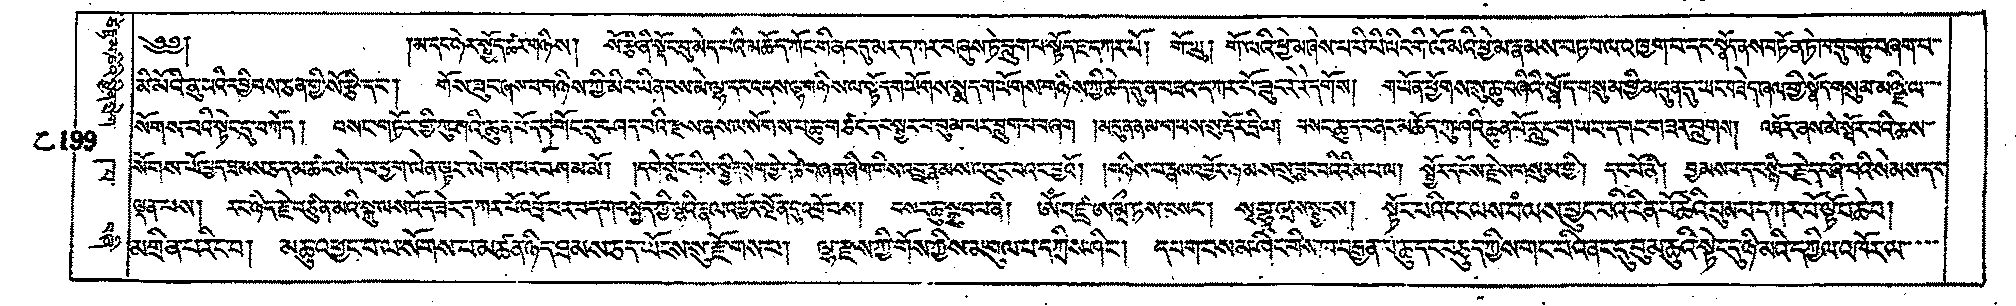༄༅། །མ་དང་ཉེར་སྤྱོད་ཚར་གཉིས། སོ་རྩི་ནི་སྡོང་བུ་མེད་པའི་མཆོད་ཀོང་གི་ནང་དུ་མར་དཀར་བཞུས་ཏེ་བླུག་པ་སྟོད་ཇ་དཀར་པོ། གོ་ཡུ། གོ་ལའི་ཕྱེ་མ་ཞེས་པ་པི་པི་ལིང་གི་ལོ་མའི་ཕྱེ་མ་རྣམས་བཏབ་ལ་འཁྱག་པ་དང་སྣོད་ནས་བཏོན་ཏེ་ཁ་བུབ་ཏུ་བཞག་པ་་་
མི་མོའི་ནུ་མའི་དབྱིབས་ཅན་གྱི་སོ་རྩི་དང་། གོས་ཟུང་ཞས་པ་གཉིས་ཀྱི་མིང་ཡིན་པས་མེ་ལྷ་དང་འདས་ལྷ་གཉིས་ལ་སྟོད་གཡོགས་སྨད་གཡོགས་གཉིས་ཀྱི་ཆེད་དུ་ན་བཟའ་དཀར་པོ་ཟུང་རེ་རེ་དགོས། གཡོན་ཕྱོགས་སུ་ཆུ་བཞིའི་སྣོད་གསུམ་གྱི་མདུན་དུ་ཡང་བཟེད་ཞལ་གྱི་སྣོད་གསུམ་མཉྫི་ལ་་་
སོགས་པའི་སྟེང་དུ་བཀོད། བསང་གཏོར་གྱི་ཀུ་ཤའི་ཆུན་པོ་དང་གོང་དུ་བཤད་པའི་རྫས་ནས་ལ་སོགས་པ་ཆུ་གཙང་དང་སྦྱར་བ་བུམ་པར་བླུག་པ་བཞག །མདུན་ནམ་གཡས་སུ་རྡོར་དྲིལ། བསང་ཆུ་དང་ནང་མཆོད་ཀུ་ཤའི་ཆུན་པོ་རླུང་གཡབ་དགང་གཟར་བླུགས། འཐོར་ནས་མེ་སྤོར་བའི་ཆས་་་
སོགས་ཡོ་བྱད་ཐམས་ཅད་མ་ཚང་མེད་པ་ཕྱག་ལེན་ལྟར་ལེགས་པར་བཤམ་མོ། །དགེ་སློང་གིས་སྦྱིན་སྲེག་བྱེད་ཚེ་གཞན་ཞིག་གིས་འབྲུ་རྣམས་ལ་རུང་བའང་བྱའོ། །གཉིས་པ་རྣལ་འབྱོར་ཉམས་སུ་བླང་བའི་རིམ་པ་ལ། སྦྱོར་དངོས་རྗེས་གསུམ་གྱི། དང་པོ་ནི། བྱམས་པ་དང་སྙིང་རྗེ་དང་ཞི་བའི་སེམས་དང་
ལྡན་པས། རང་ཉིད་རྗེ་བཙུན་མའི་སྐུ་ལས་འོད་ཟེར་དཀར་པོ་འཕྲོ་བར་བདག་བསྐྱེད་ཀྱི་ལྷའི་རྣལ་འབྱོར་སྔོན་དུ་འགྲོ་བས། བསང་ཆུ་སྒྲུབ་པ་ནི། ཨོཾ་བཛྲ་ཨ་མྲྀ་ཏས་བསང་། སྭ་བྷཱ་ཝས་སྦྱངས། སྟོང་པའི་ངང་ལས་བཾ་ལས་བྱུང་བའི་རིན་པོ་ཆེའི་བུམ་པ་དཀར་པོ་ལྟོ་བ་ཆེ་བ།
མགྲིན་པ་རིང་བ། མཆུ་འཕྱང་བ་ལ་སོགས་པ་མཚན་ཉིད་ཐམས་ཅད་ཡོངས་སུ་རྫོགས་པ། ལྷ་རྫས་ཀྱི་གོས་ཀྱིས་མགུལ་བ་དཀྲིས་ཤིང་། དཔག་བསམ་ཤིང་གིས་ཁ་བརྒྱན་པ་ཆུ་དང་བཅུད་ཀྱིས་གང་བའི་ནང་དུ་བུམ་ཆུའི་སྟེང་དུ་ཉི་མའི་དཀྱིལ་འཁོར་ལ་་་